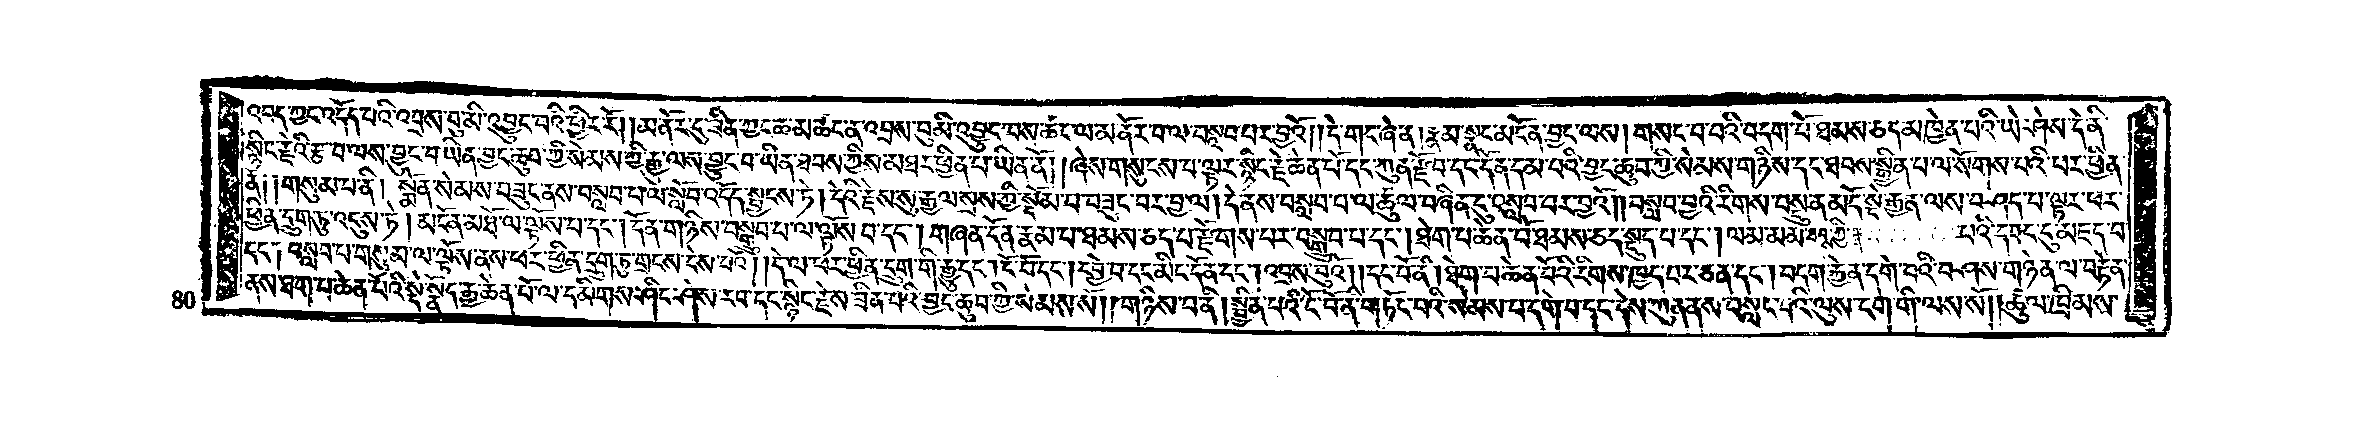འབད་ཀྱང་འདོད་པའི་འབྲས་བུ་མི་འབྱུང་བའི་ཕྱིར་རོ། །མ་ནོར་དུ་ཟིན་ཀྱང་ཆ་མཚང་ན་འབྲས་བུ་མི་འབྱུང་བས་ཚང་ལ་མ་ནོར་བ་ལ་བསླབ་པར་བྱའོ། །དེ་གང་ཞེ་ན། རྣམ་སྣང་མངོན་བྱང་ལས། གསང་བ་བའི་བདག་པོ་ཐམས་ཅད་མཁྱེན་པའི་ཡེ་ཤེ་དེ་ནི་
སྙིང་རྗེའི་རྩ་བ་ལས་བྱུང་བ་ཡིན་ཐབས་ཀྱིས་མཐར་ཕྱིན་པ་ཡིན་ནོ། །ཞེས་གསུངས་པ་ལྟར་སྙིང་རྗེ་ཆེན་པོ་དང་ཀུན་རྫོབ་དང་དོན་དམ་པའི་བྱང་ཆུབ་ཀྱི་སེམས་གཉིས་དང་ཐབས་སྒྱིན་པ་ལ་སོགས་པའི་ཕར་ཕྱིན་
ནོ༑ ༑གསུམ་པ་ནི། སྨོན་སེམས་བཟུང་ནས་བསླབ་པ་ལ་སློབ་འདོད་སྦྱངས་ཏེ། དེའི་རྗེས་སུ་རྒྱལ་སྲས་ཀྱི་སྡོམ་པ་བཟུང་བར་བྱ་ལ། དེ་ནས་བསླབ་པ་ལ་ཚུལ་བཞིན་དུ་བསླབ་པར་བྱའོ། །བསླབ་བྱའི་རིགས་བསྡུ་ན་མདོ་སྡེ་རྒྱན་ལས་བཤད་པ་ལྟར་ཕ་
ཕྱིན་དྲུག་ཏུ་འདུས་ཏེ། མངོན་མཐོ་ལ་ལྟོས་པ་དང་། དོན་གཉིས་བསྒྲུབ་པས་ལ་ལྟོས་པ་དང་། གཞན་དོན་རྣམ་པ་ཐམས་ཅད་པ་རྫོགས་པར་བསྒྲུབ་པ་དང་། ཐེག་པ་ཆེན་པོ་ཐམས་ཅད་སྡུད་པ་དང་། ལམ་མམ་ཐབས་ཀྱི་རྣམ་པ་ཐམས་ཅད་པའི་དབང་དུ་མཛད་པ་
དང༑ བསླབ་པ་གསུམ་ལ་ལྟོས་ནས་ཕར་ཕྱིན་དྲུག་ཏུ་གྲངས་ངེས་པའོ། །དེ་ལ་ཕར་ཕྱིན་དྲུག་གི་རྒྱུ་དང་། ངོ་བོ་དང་། དབྱེ་བ་དང་མིང་དོན་དང་། འབྲས་བུའོ། །དང་པོ་ནི། ཐེག་པ་ཆེན་པོའི་རིགས་ཁྱད་པར་ཅན་དང་། བདག་རྐྱེན་དགེ་བའི་བཤེས་གཉེན་ལ་བརྟེན་
ནས་ཐེག་པ་ཆེན་པོ༑འི་སྡེ་སྣོད་རྒྱ་ཆེན་པོ་ལ་དམིགས་ཤིང་ཤེས་རབ་དང་སྙིང་རྗེས་ཟིན་པའི་བྱང་ཆུབ་ཀྱི་སེམས་སོ། །གཉིས་པ་ནི། སྦྱིན་པའི་ངོ་བོ་ནི་གཏོང་བའི་སེམས་པ་དགེ་བ་དང་དེས་ཀུན་ནས་བསླང་བའི་ལུས་དག་གི་ལས་སོ། །ཚུལ་ཁྲིམས་